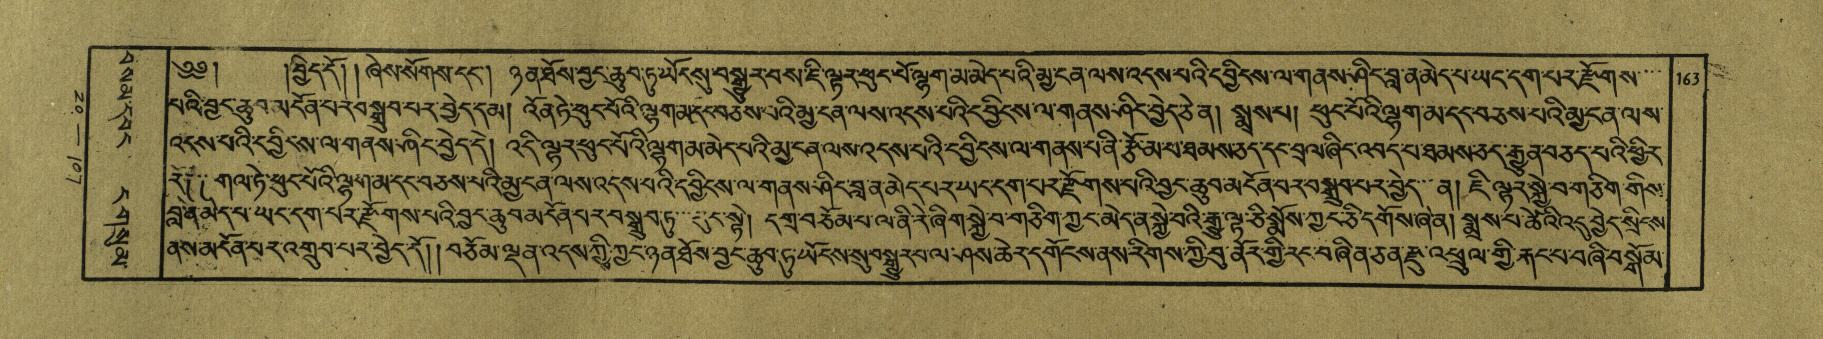༄༅། །བྱེད་དོ། །ཞེས་སོགས་དང་། ཉན་ཐོས་བྱང་ཆུབ་ཏུ་ཡོངྶུ་བསྒྱུར་བས་ཇི་ལྟར་ཕུང་པོ་ལྷག་མ་མེད་པའི་མྱ་ངན་ལས་འདས་པའི་དབྱིངས་ལ་གནས་ཤིང་བླ་ན་མེད་པ་ཡང་དག་པར་རྫོགས་
པའི་བྱང་ཆུབ་དོན་པར་བསྒྲུབ་པར་བྱེད་དམ། འོན་ཏེ་ཕུང་པོའི་ལྷག་མ་དང་བཅས་པའི་མྱ་ངན་ལས་འདས་པའི་དབྱིངས་ལ་གནས་ཤིང་བྱེད་ཅེ་ན། སྨྲས་པ། ཕུང་པོའི་ལྷག་མ་དང་བཅས་པའི་མྱ་ངན་ལས་
འདས་པའི་དབྱིངས་ལ་གནས་ཤིང་བྱེད་དེ། འདི་ལྟར་ཕུང་པོའི་ལྷག་མ་མེད་པའི་མྱ་ངན་ལས་འདས་པའི་དབྱིངས་ལ་གནས་པ་ནི་རྩོམ་པ་ཐམས་ཅད་དང་བྲལ་ཞིང་འབད་པ་ཐམས་ཅད་རྒྱུན་བཅད་པའི་ཕྱིར་
རོ༑ ༑གལ་ཏེ་ཕུང་པོའི་ལྷག་མ་དང་བཅས་པའི་མྱ་ངན་ལས་འདས་པའི་དབྱིངས་ལ་གནས་ཤིང་བླ་ན་མེད་པར་ཡང་དག་པར་རྫོགས་པའི་བྱང་ཆུབ་མངོན་པར་བསྒྲུབ་པར་བྱེད་ན། ཇི་ལྟར་སྐྱེ་བ་གཅིག་གིས་
བླ་ན་མེད་པ་ཡང་དག་པར་རྫོགས་པའི་བྱང་ཆུབ་མངོན་པར་བསྒྲུབ་ཏུ་རུང་སྟེ། དགྲ་བཅོམ་པ་ལ་ནི་རེ་ཞིག་སྐྱེ་བ་གཅིག་ཀྱང་མེད་ན་སྐྱེ་བའི་རྒྱུ་ལྟ་ཅི་སྨོས་ཀྱང་ཅི་དགོས་ཞེ་ན། སྨྲས་པ་ཚེའི་འདུ་བྱེད་སྲིངས་
ནས་མངོན་པར་འགྲུབ་པར་བྱེད་དོ། །བཅོམ་ལྡན་འདས་ཀྱིས་ཀྱང་ཉན་ཐོས་བྱང་ཆུབ་ཏུ་ཡོངས་སུ་བསྒྱུར་པ་ལ་ཤས་ཆེར་དགོངས་ནས་རིགས་ཀྱི་བུ་ནོར་གྱི་རང་བཞིན་ཅན་རྫུ་འཕྲུལ་གྱི་རྐང་པ་བཞི་བསྒོམ་